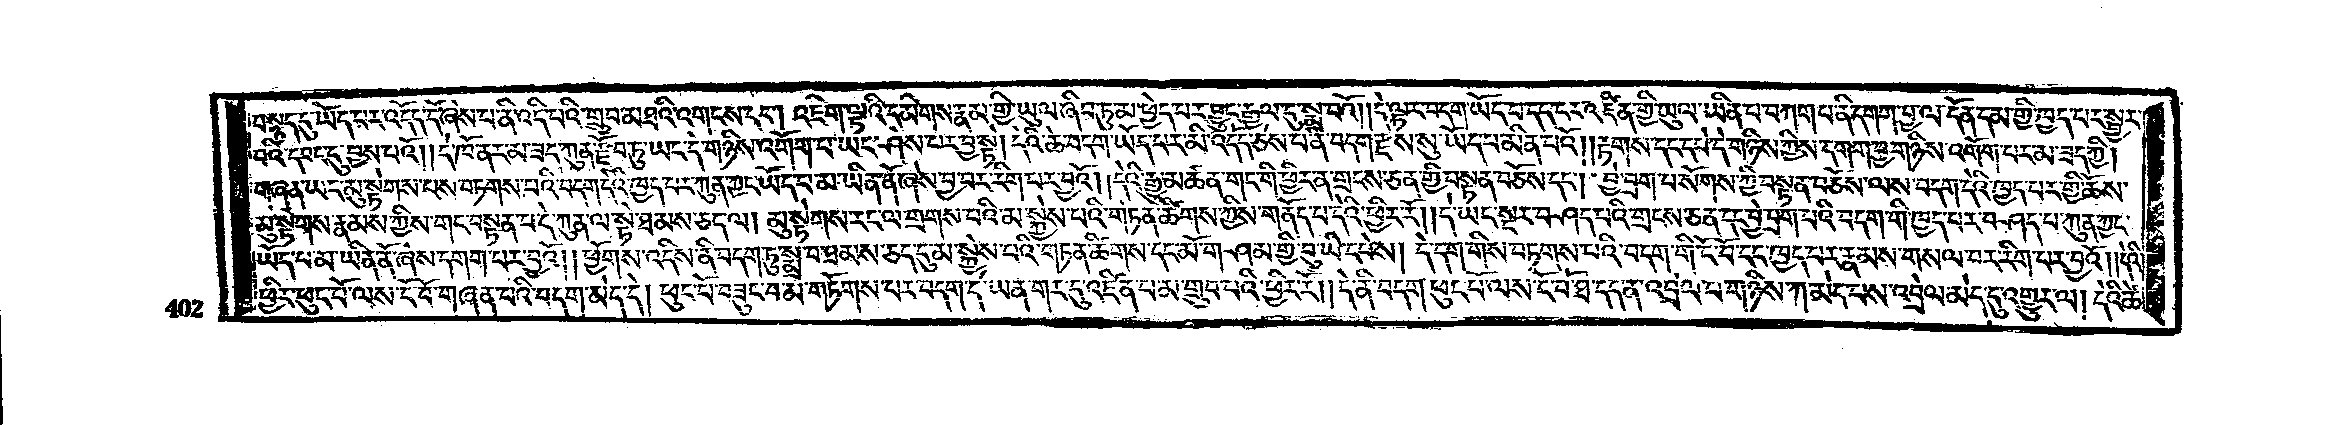བསྙད་དུ་ཡོད་པར་འདོད་དོ་ཞེས་པ་ནི་འདི་པའི་གྲུབ་མཐའི་འགངས་དང་། འཇིག་ལྟའི་དམིགས་རྣམ་གྱི་ཡུལ་ཞིབ་ཏུ་མ་ཕྱེད་པར་བྱུང་རྒྱལ་དུ་སྨྲ་བའོ། །དེ་ལྟར་བདག་ཡོད་པ་དང་ངར་འཛིན་གྱི་ཡུལ་ཡིན་པ་བཀག་པ་ནི་དགག་བྱ་ལ་དོན་དམ་གྱི་ཁྱད་པར་སྦྱར་
བའི་དབང་དུ་བྱས་པའོ། །དེ་ཁོ་ནར་མ་ཟད་ཀུན་རྫོབ་ཏུ་ཡང་དེ་གཉིས་འགོག་པ་ཡང་ཤེས་པར་བྱ་སྟེ། དེའི་ཆེ་བདག་ཡོད་པར་མི་འདོད་ཅེས་པ་ནི་བདག་རྫས་སུ་ཡོད་པ་མིན་པའོ། །རྟགས་དང་དཔེ་དེ་གཉིས་ཀྱིས་དགག་བྱ་གཉིས་འགོག་པར་མ་ཟད་ཀྱི།
གཞན་ཡང་མུ་སྟེགས་པས་བཏགས་པའི་བདག་དེའི་ཁྱད་པར་ཀུན་ཀྱང་ཡོད་པ་མ་ཡིན་ནོ་ཞེས་བྱ་བར་རིག་པར་བྱའོ། །དེའི་རྒྱུ་མཚན་གང་གི་ཕྱིར་ན་གྲངས་ཅན་གྱི་བསྟན་བཅོས་དང་། །བྱེ་བྲག་པ་སོགས་ཀྱི་བསྟན་བཅོས་ལས་བདག་དེའི་ཁྱད་པར་གྱི་ཆོས་
མུ་སྟེགས་རྣམས་ཀྱིས་གང་བསྟན་པ་དེ་ཀུན་ལ་སྟེ་ཐམས་ཅད་ལ། མུ་སྟེགས་རང་ལ་གྲགས་པའི་མ་སྐྱེས་པའི་གཏན་ཚིགས་ཀྱིས་གནོད་པ་དེའི་ཕྱིར་རོ། །དེ་ཡང་སྔར་བཤད་པའི་གྲངས་ཅན་དང་བྱེ་བྲག་པའི་བདག་གི་ཁྱད་པར་བཤད་པ་ཀུན་ཀྱང་
ཡོད་པ་མ་ཡིན་ནོ་ཞེས་དགག་པར་བྱའོ། །ཕྱོགས་འདིས་ནི་བདག་ཏུ་སྨྲ་བ་ཐམས་ཅད་དུ་མ་སྐྱེས་པའི་གཏན་ཚིགས་དང་མོ་གཤམ་གྱི་བུ་ཡི་དཔེས། དེ་དག་གིས་བཏགས་པའི་བདག་གི་ངོ་བོ་དང་ཁྱད་པར་རྣམས་གསལ་བར་རིག་པར་བྱའོ། །དེའི་
ཕྱིར་ཕུང་པོ་ལས་ངོ་བོ་གཞན་པའི་བདག་མེད་དེ། ཕུང་པོ་བཟུང་བ་མ་གཏོགས་པར་བདག་དེ་ཡན་གར་དུ་འཛིན་པ་མ་གྲུབ་པའི་ཕྱིར་རོ། །དེ་ནི་བདག་ཕུང་པོ་ལས་ངོ་བོ་ཐ་དད་ན་འབྲེལ་པ་གཉིས་ཀ་མེད་པས་འབྲེལ་མེད་དུ་འགྱུར་ལ། དེའི་ཚེ་